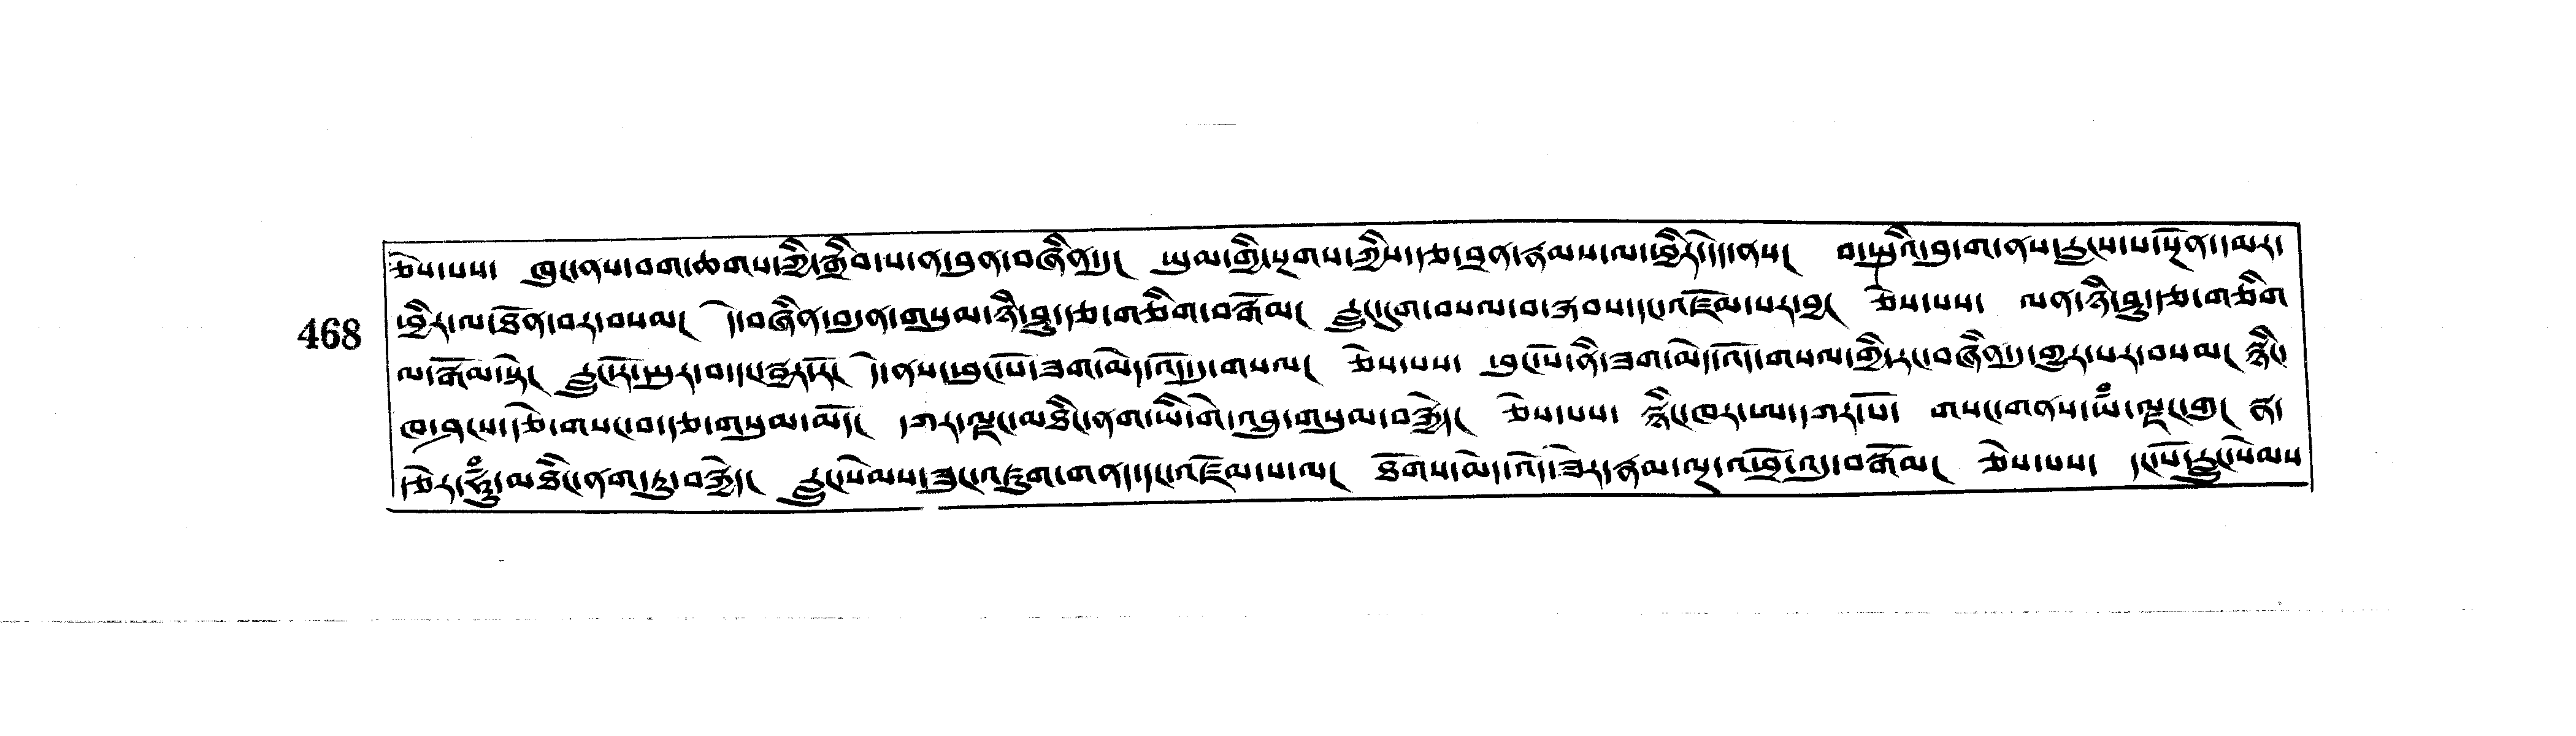ཅེས་པས། ཁུང་ནས་བག་ཆགས་ཀྱི་སྒྲིབ་པ་ན་བུན་བཞིན་དུ། ཡུམ་གྱི་སྔགས་ཀྱིས་རྩ་ཕྲན་རྣམས་ལ་ཕྱིར་དེད་ནས། བ་སྤུའི་བུ་ག་ནས་རླངས་པ་སྔོན་དམར་
ཕྱིར་ལ་ཐོན་པར་བསམ། དེ་བཞིན་བདུན་གསུམ་ཉི་ཤུ་རྩ་གཅིག་བསྒོམ། རླུང་དུག་བསལ་བ་སྐབས་དང་འཛོམས་པར་བྱ། ཅེས་པས། ལན་ཉི་ཤུ་རྩ་གཅིག་
ལ་བསྒོམ་སྟེ། རླུང་རོ་སྤུར་བ་དང་སྦྱར་རོ། དེ་ནས་ཕུང་པོ་ཟག་མེད་འོད་དུ་གསལ། ཅེས་པས། ཕུང་པོ་ནི་ཟག་མེད་འོད་གསལ་གྱི་རང་བཞིན་དུ་གྱུར་པར་བསམ། སྙིང་
ཁ་ཤངས་རྩེ་གསང་བ་རྩ་གསུམ་མདོ། དཀར་ལྗང་མཐིང་ནག་ཡི་གེ་འབྲུ་གསུམ་བསྐྱེད། ཅེས་པས། སྙིང་ཁར་ཨ་དཀར་པོ། གསང་གནས་སུ་ཡྃ་ལྗང་ཁུ། སྣ་
རྩེར་ཧཱུཾ་མཐིང་ནག་ཏུ་བསྐྱེད། རླུང་སེམས་ཟུང་འཇུག་གནད་དང་འཛོམ་པ་ལ། ཐོགས་མེད་འོད་ཟེར་རྣམ་ལྔ་འཕྲོ་འདུ་བསྒོམ། ཅེས་པས། དང་པོ་རླུང་སེམས་